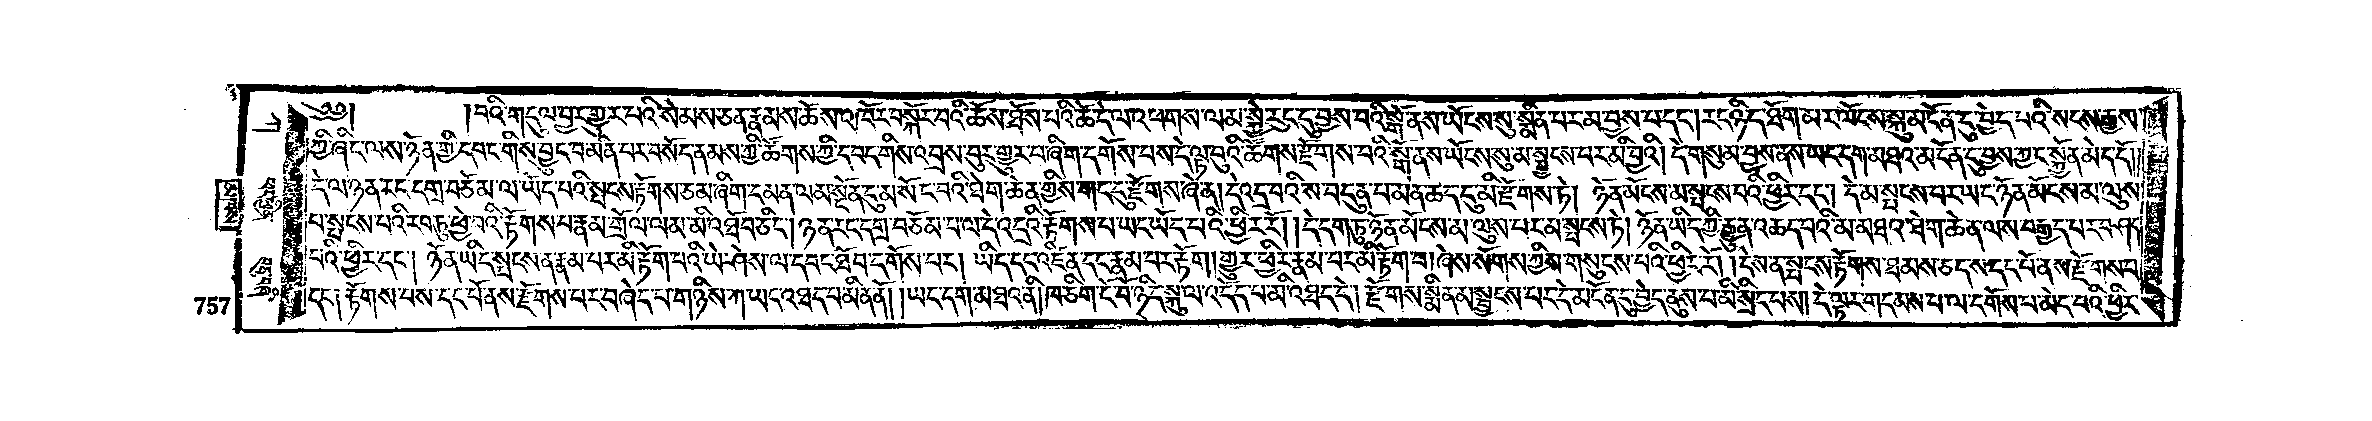༄༅། །བའི་གདུལ་བྱར་གྱུར་པའི་སེམས་ཅན་རྣམས་ཆོས་འཁོར་བསྐོར་བའི་ཆོས་ཐོས་པའི་ཚེ་དེ་ལ་འཕགས་ལམ་སྐྱེ་རུང་དུ་བྱས་པའི་སྒོ་ནས་ཡོངས་སུ་སྨིན་པར་མ་བྱས་པ་དང་། རང་ཉིད་ཐོག་མར་ལོངས་སྐུ་མངོན་དུ་བྱེད་པའི་སངས་རྒྱས་
ཀྱི་ཞིང་ལས་ཉོན་གྱི་དབང་གིས་བྱུང་བ་མིན་པར་བསོད་ནམས་ཀྱི་ཚོགས་ཀྱི་དབང་གིས་འབྲས་བུར་གྱུར་བ་ཞིག་དགོས་པས་དེ་ལྟ་བུའི་ཚོགས་རྫོགས་པའི་སྒོ་ནས་ཡོངས་སུ་མ་སྦྱངས་པར་མི་བྱའི། དེ་གསུམ་བྱས་ནས་ཡང་དག་མཐའ་མངོན་དུ་བྱས་ཀྱང་སྐྱོན་མེད་དོ། །
དེ་ལ་ཉན་རང་དགྲ་བཅོམ་ལ་ཡོད་པའི་སྤངས་རྟོགས་ཙམ་ཞིག་དམན་ལམ་སྔོན་དུ་མ་སོང་བའི་ཐེག་ཆེན་གྱིས་གང་དུ་རྫོགས་ཞེ་ན། དེ་འདྲ་བའི་ས་བདུན་པ་མན་ཆེད་དུ་མི་རྫོགས་ཏེ། ཉོན་མོངས་མ་སྤངས་པའི་ཕྱིར་དང་། དེ་མ་སྤངས་པར་ཡང་ཉོན་མོངས་མ་ལུས་
པ་སྤངས་པའི་རབ་ཏུ་ཕྱེ་བའི་རྟོགས་པ་རྣམ་གྲོལ་ལམ་མི་འཐོབ་ཅིང་། ཉན་རང་དགྲ་བཅོམ་པ་ལ་དེ་འདྲའི་རྟོགས་པ་ཡང་ཡོད་པའི་ཕྱིར་རོ། །དེ་དག་ཏུ་ཉོན་མོངས་མ་ལུས་པར་མ་སྤངས་ཏེ། ཉོན་ཡིད་ཀྱི་རྒྱུན་འཆད་པའི་མ་མཐའ་ཐེག་ཆེན་ལས་བརྒྱད་པར་བཤད་
པའི་ཕྱིར་དང་། ཉོན་ཡིད་སྤངས་ན་རྣམ་པར་མི་རྟོག་པའི་ཡེ་ཤེས་ལ་དབང་ཐོབ་དགོས་པར། ཡིད་དང་འཛིན་དང་རྣམ་པར་རྟོག། གྱུར་ཕྱིར་རྣམ་པར་མི་རྟོག་པ། ཞེས་སོགས་ཀྱིས་གསུངས་པའི་ཕྱིར་རོ། །དེས་ན་སྤངས་རྟོགས་ཐམས་ཅད་ས་དང་པོ་ནས་རྫོགས་པ་
དང་། རྟོགས་པས་དང་པོ་ནས་རྫོགས་པར་བཞེད་པ་གཉིས་ཀ་ཡང་འཐད་པ་མིན་ནོ། །ཡང་དག་མཐའ་ནི། ཁ་ཅིག་ངོ་བོ་ཉིད་སྐུ་ལ་འདོད་པ་མི་འཐད་དེ། རྫོགས་སྨིན་མ་སྦྱངས་པར་དེ་མངོན་དུ་བྱེད་ནུས་པ་མི་སྲིད་པས། དེ་ལྟར་གདམས་པ་ལ་དགོས་པ་མེད་པའི་ཕྱིར་